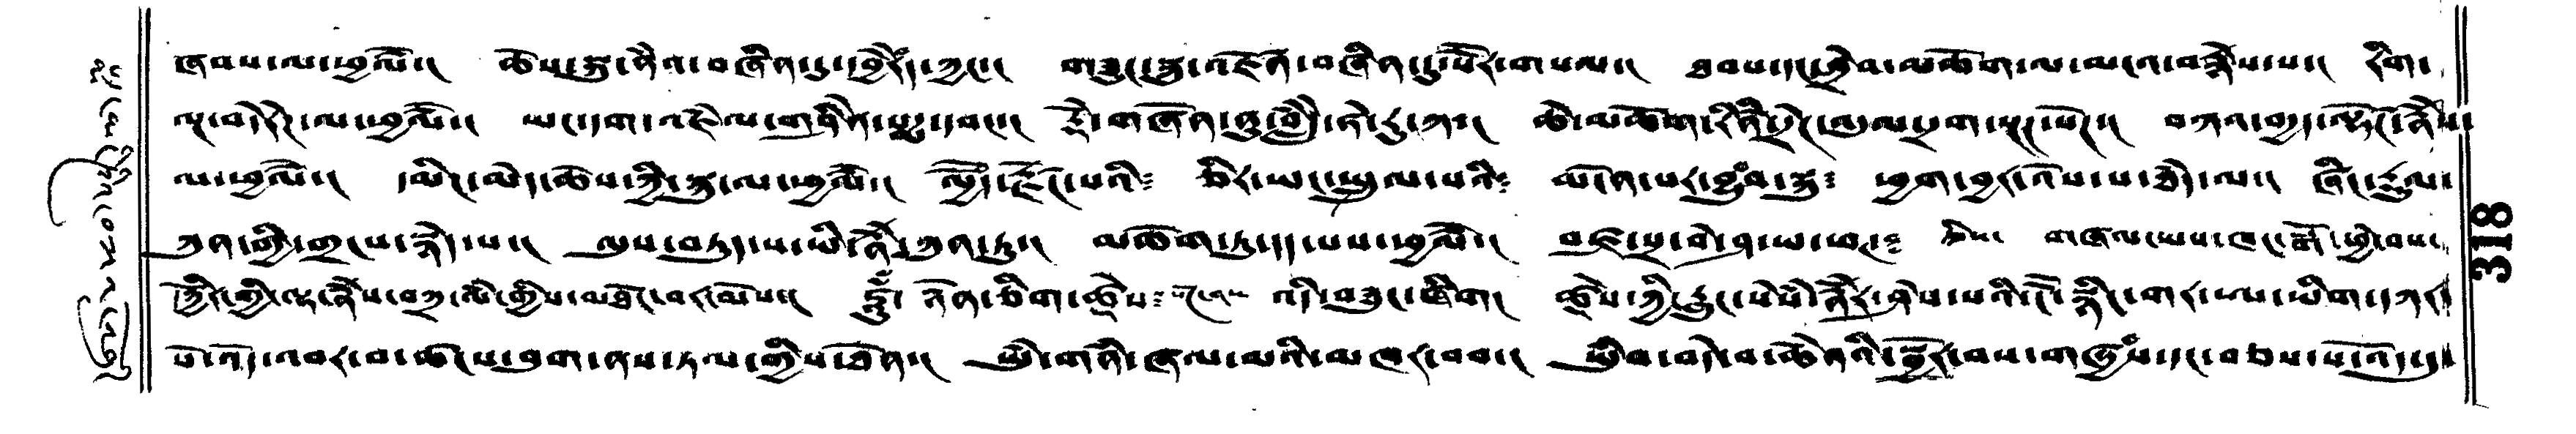ཞབས་ལ་ཕྱག་འཚལ་ལོ། །ཆོས་སྐུ་ནམ་མཁའ་བཞིན་དུ་དབྱེར་མེད་ཀྱང་། །གཟུགས་སྐུ་འཇའ་ཚོན་བཞིན་དུ་སོ་སོར་གསལ། །ཐབས་དང་ཤེས་རབ་མཆོག་ལ་མངའ་བརྙེས་པ། །རིགས་
ལྔ་བདེ་བར་གཤེགས་ལ་ཕྱག་འཚལ་ལོ། །ཡང་དག་འཇམ་དཔལ་བཤེས་གཉེན་པདྨ་དབང་། །རྡོ་རྗེ་གཞོན་ནུ་བླ་མེད་ཧེ་རུ་ཀ།ཆེ་མཆོག་རིག་འཛིན་དྲེགས་འདུལ་དྲག་སྔགས་སོགས། །བཀའ་བརྒྱད་ལྷ་ཚོགས་རྣམས་
ལ་ཕྱག་འཚལ་ལོ། །དམིགས་མེད་ཆོས་ཀྱི་སྐུ་ལ་ཕྱག་འཚལ་ལོ། །ལོངས་སྤྱོད་རྫོགས་པའི༴ ཅིར་ཡང་སྤྲུལ་པའི༴ མངོན་པར་བྱང་ཆུབ་སྐུ༴ ཕྱག་བྱར་འོས་པ་ཐམས་ཅད་ལ། །ཞིང་རྡུལ་
ཀུན་གྱི་གྲངས་སྙེད་པ། །ལུས་བཏུད་པ་ཡིས་རྣམས་ཀུན་ཏུ། །མཆོག་ཏུ་དད་པས་ཕྱག་འཚལ་ལོ། བཛྲ་པྲ་ཝེ་ཤ་ཡ་ཕཊ༔ ཅེས། གཞལ་ཡས་ཁང་སྒོ་ཕྱེ་བས་
དཀྱིལ་འཁོར་གྱི་ལྷ་རྣམས་བཀྲ་ལམ་གྱིས་མཐོང་བར་མོས། ཧཱུྃ༔ ཉོན་ཅིག་ཚེ་འདས༴ སོགས་ནས། འདི་གཟུང་ཞིག༔ ཚེ་འདས་ཀྱི་རླུང་སེམས་རྣམ་པར་ཤེས་པའི་ངོ་བོ་སྙིང་གར་ཨ་ཡིག་དཀར་
པོ་འོད་འབར་བ་ཚངས་བུག་ནས་ཏལ་གྱིས་ཐོན། ཡུམ་གནམ་ཞལ་མའི་མཁར་བབ། ཡབ་ཡུམ་བདེ་བ་ཆེན་པོའི་སྦྱོར་བས་གཞལ་ཡས་ཁང་དང་བཅས་པ་འོད་དུ་